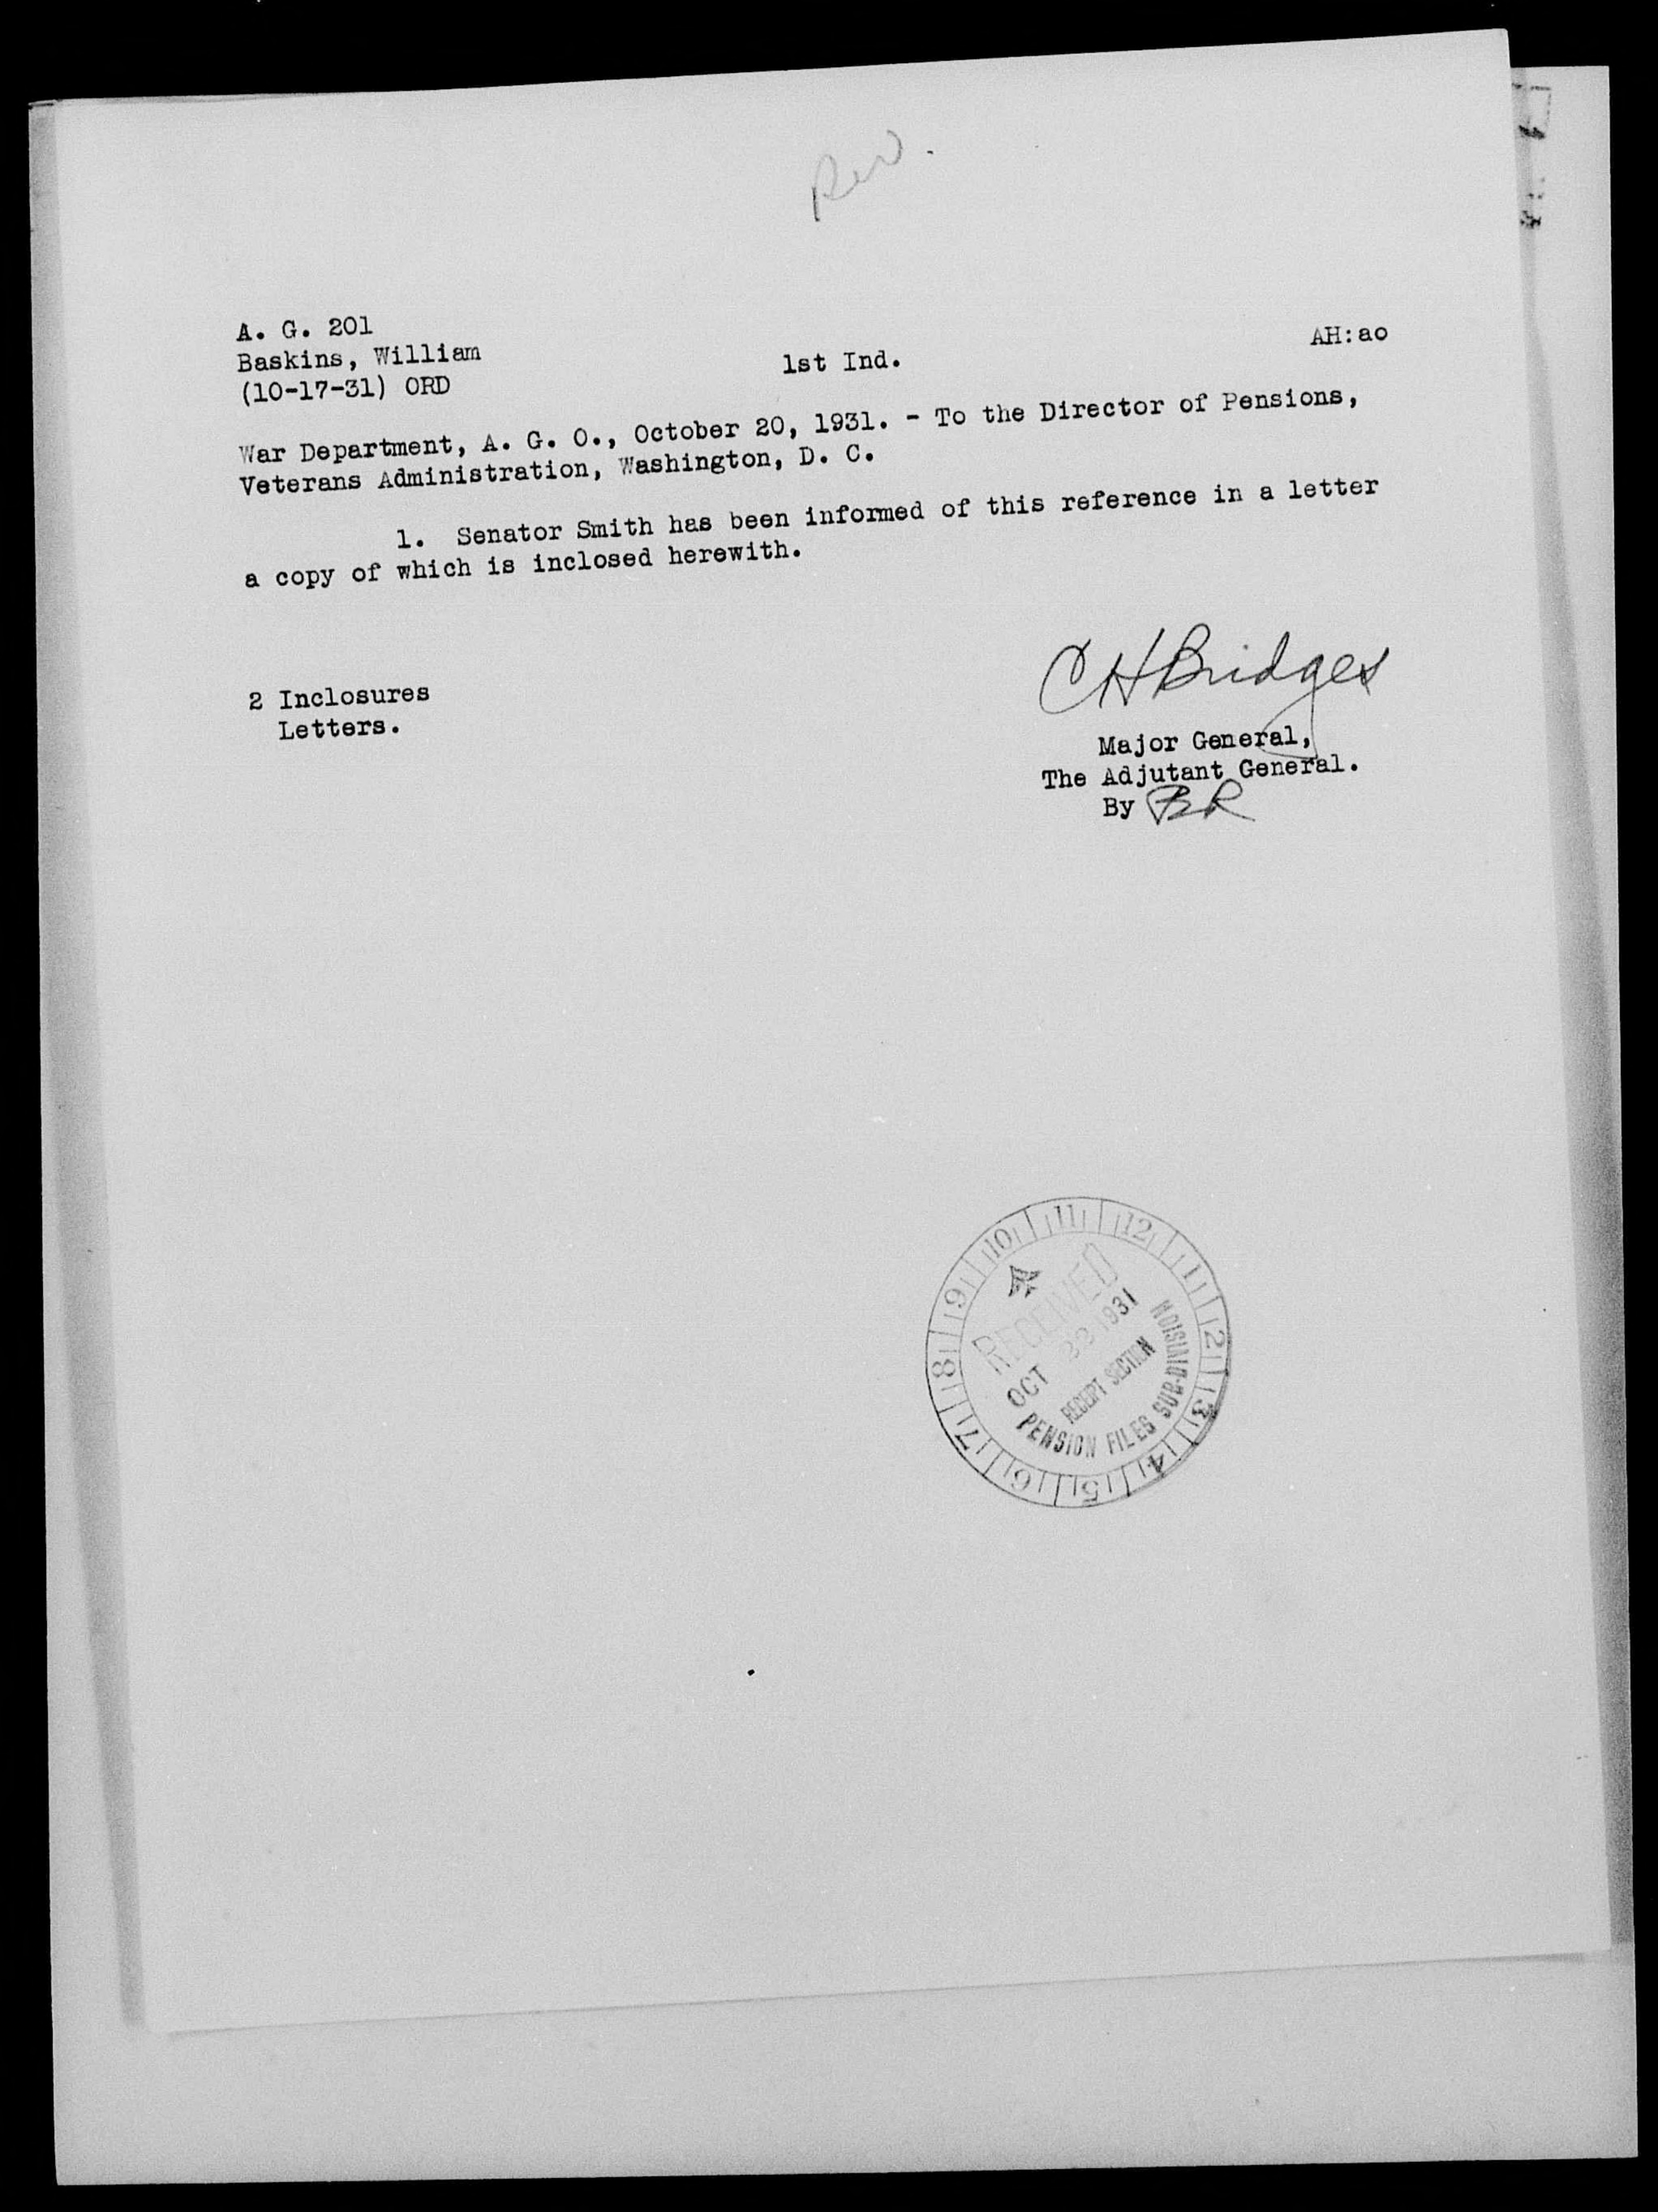RW.

A. G. 201
Baskins, William
(10-17-310) ORD 1st Ind. AH: ao
War Department, A. G. O., October 20, 1931. - 

To the Director of Pensions, Veterans Administration, Washington, D. C.

1. Senator Smith has been informed of this reference in a letter a copy of which is inclosed herewith.

2 Inclosures
Letters.

C H Bridges
Major General,
The Adjunct General.
By BR

["Received OCT 22 1931 RECEIPT SECTION PENSION FILES SUB-DIVISION" ink stamp]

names: William Baskins; Senator Smith; C H Bridges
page: 87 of 92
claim: widow's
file: W. 5522, for James Pettigrew, South Carolina